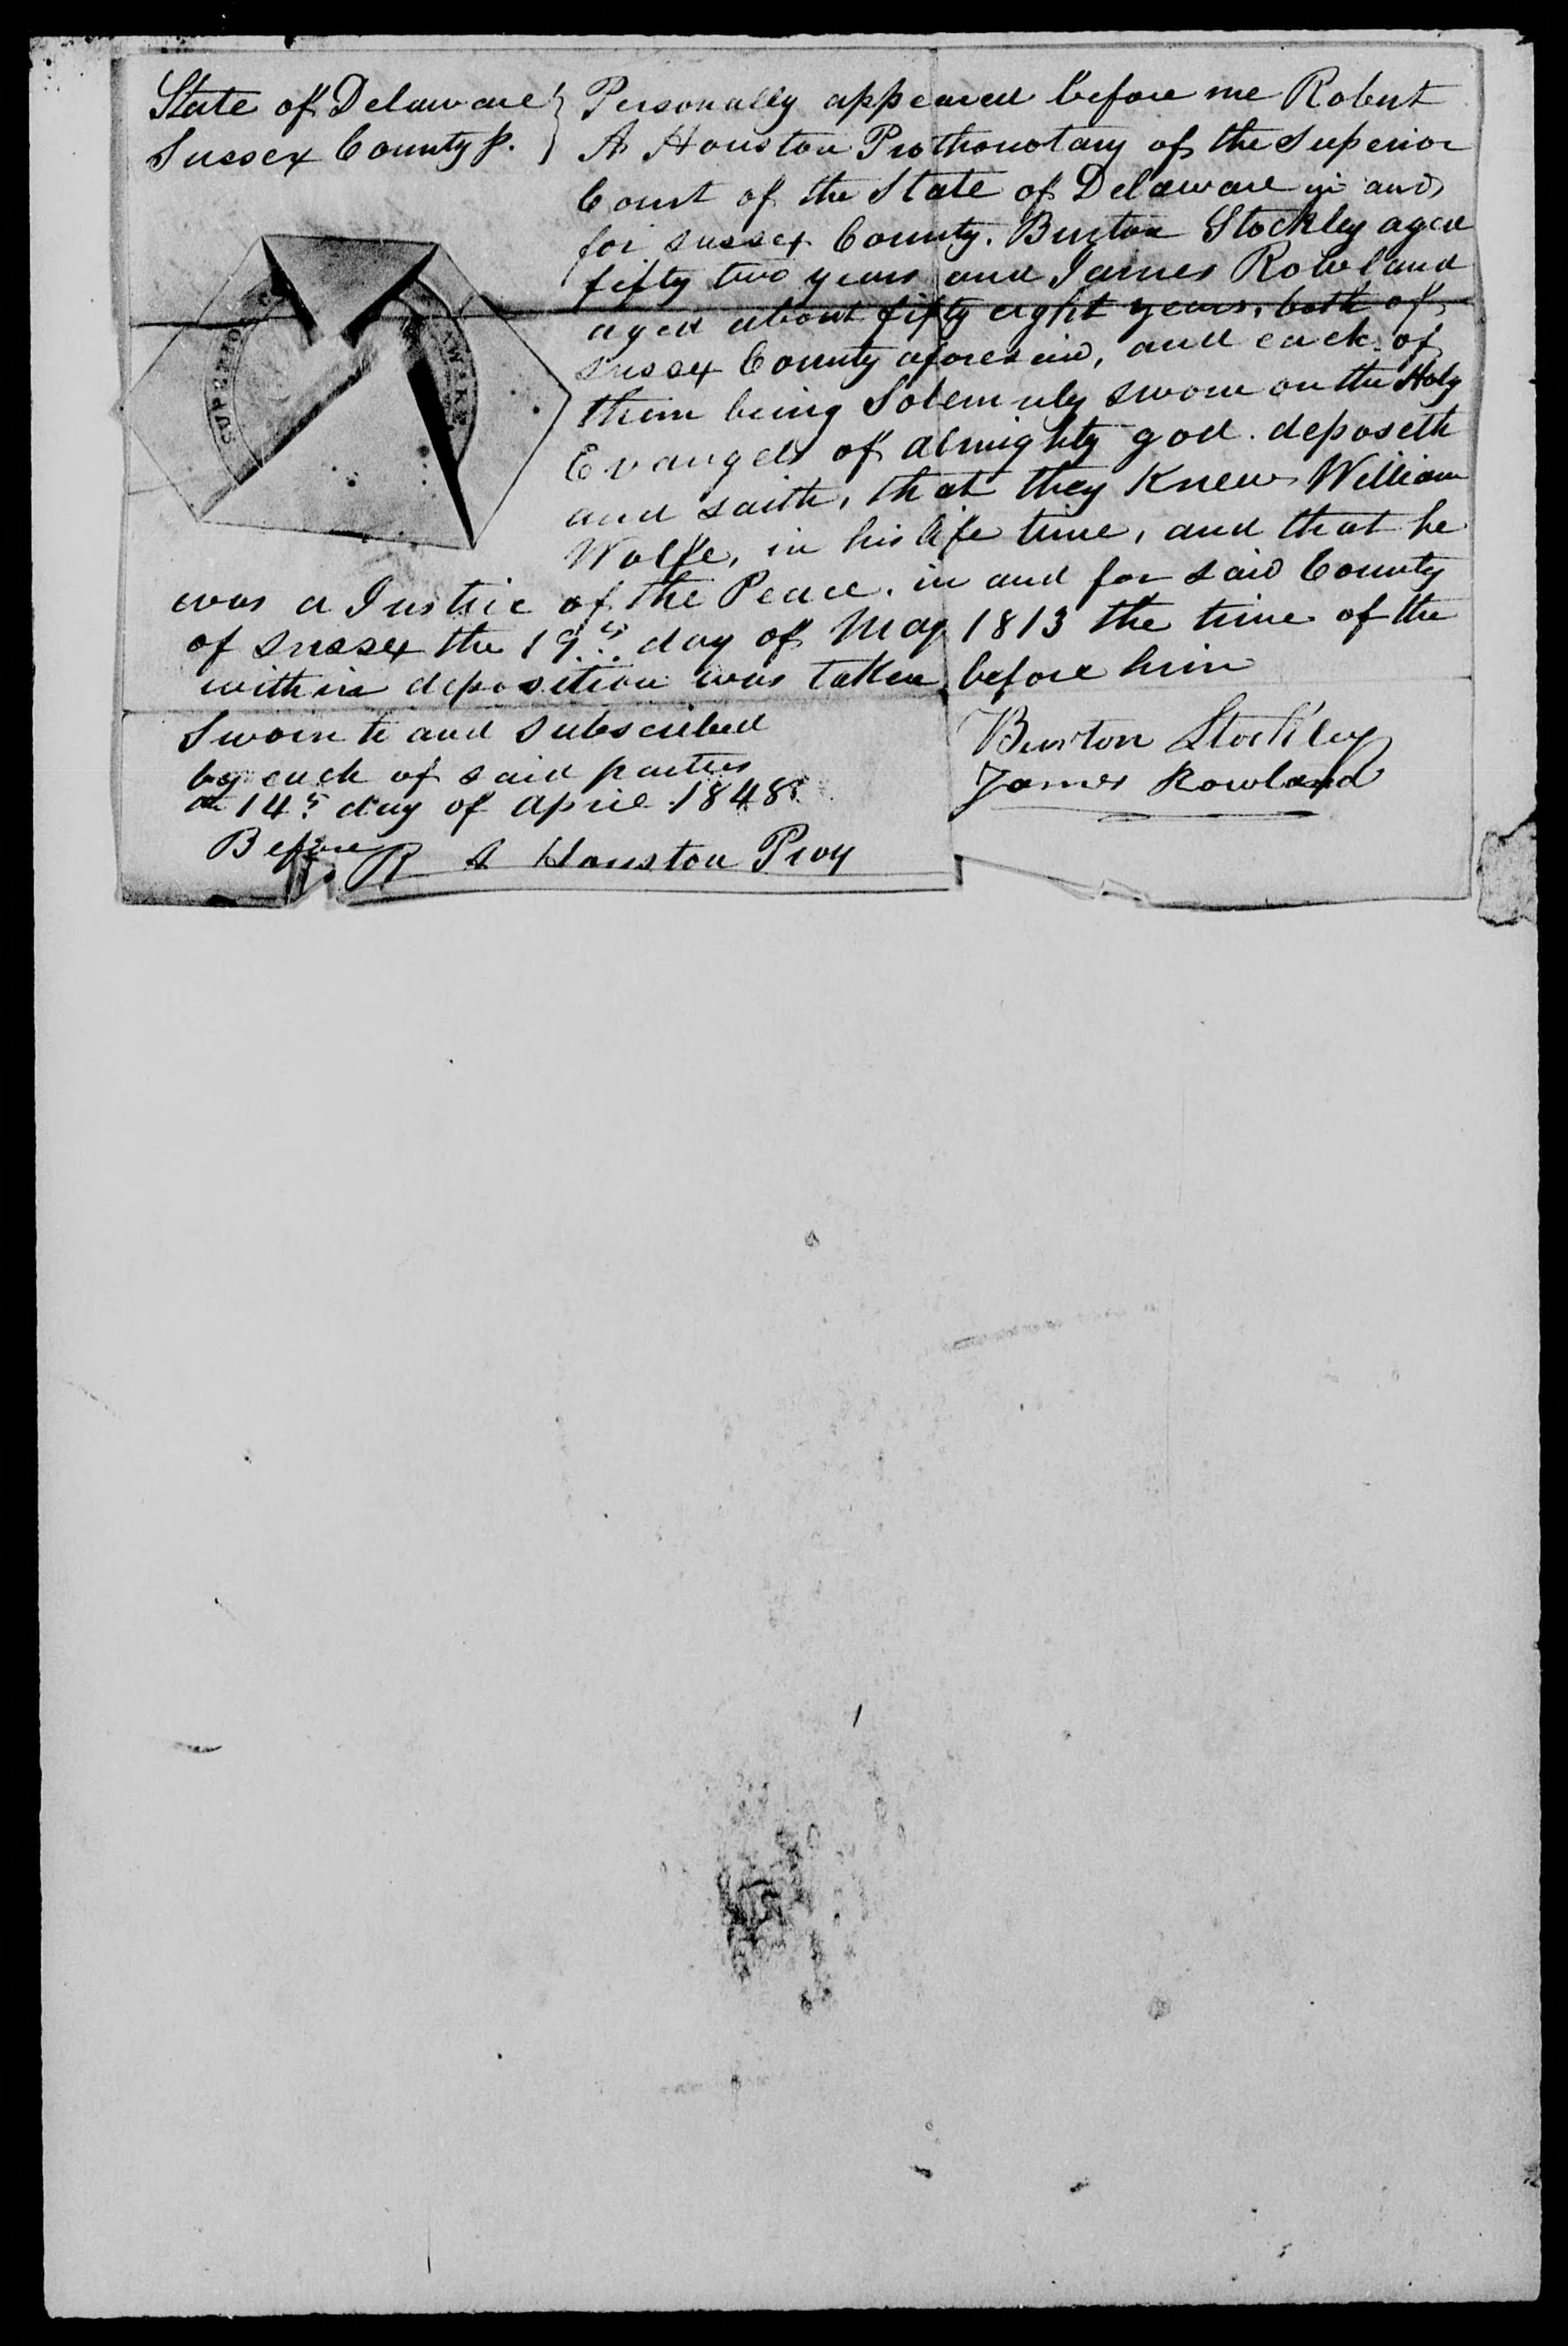State of Delaware
Sussex County ss.
Personally appeared before me Robert A. Houston Prothonotary of the Superior Court of the State of Delaware in and for Sussex County. Burton Stockley aged fifty two years and James Rowland aged about fifty eight years, both of Sussex County aforesaid, aware each of them being Solemnly sworn on the Holy Evangelical of Almighty God deposeth and saith, that they knew William Wolfe, in his life time, and that he was a Justice of the Peace, in and for said County of Sussex the 19th day of May 1813 the time of the within deposition was taken before him Sworn to and subscribed by each of said parties the 14th day of April 1848. 
Before R. A. Houston [illegible]
Burton Stockley
James Rowland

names: James Rowland, William Wolfe, Robert A Houston, R A Houston, Burton Stockley, James Rowland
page: 16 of 32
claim: rejected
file: R. 2795, Jesse Dazey, Del.